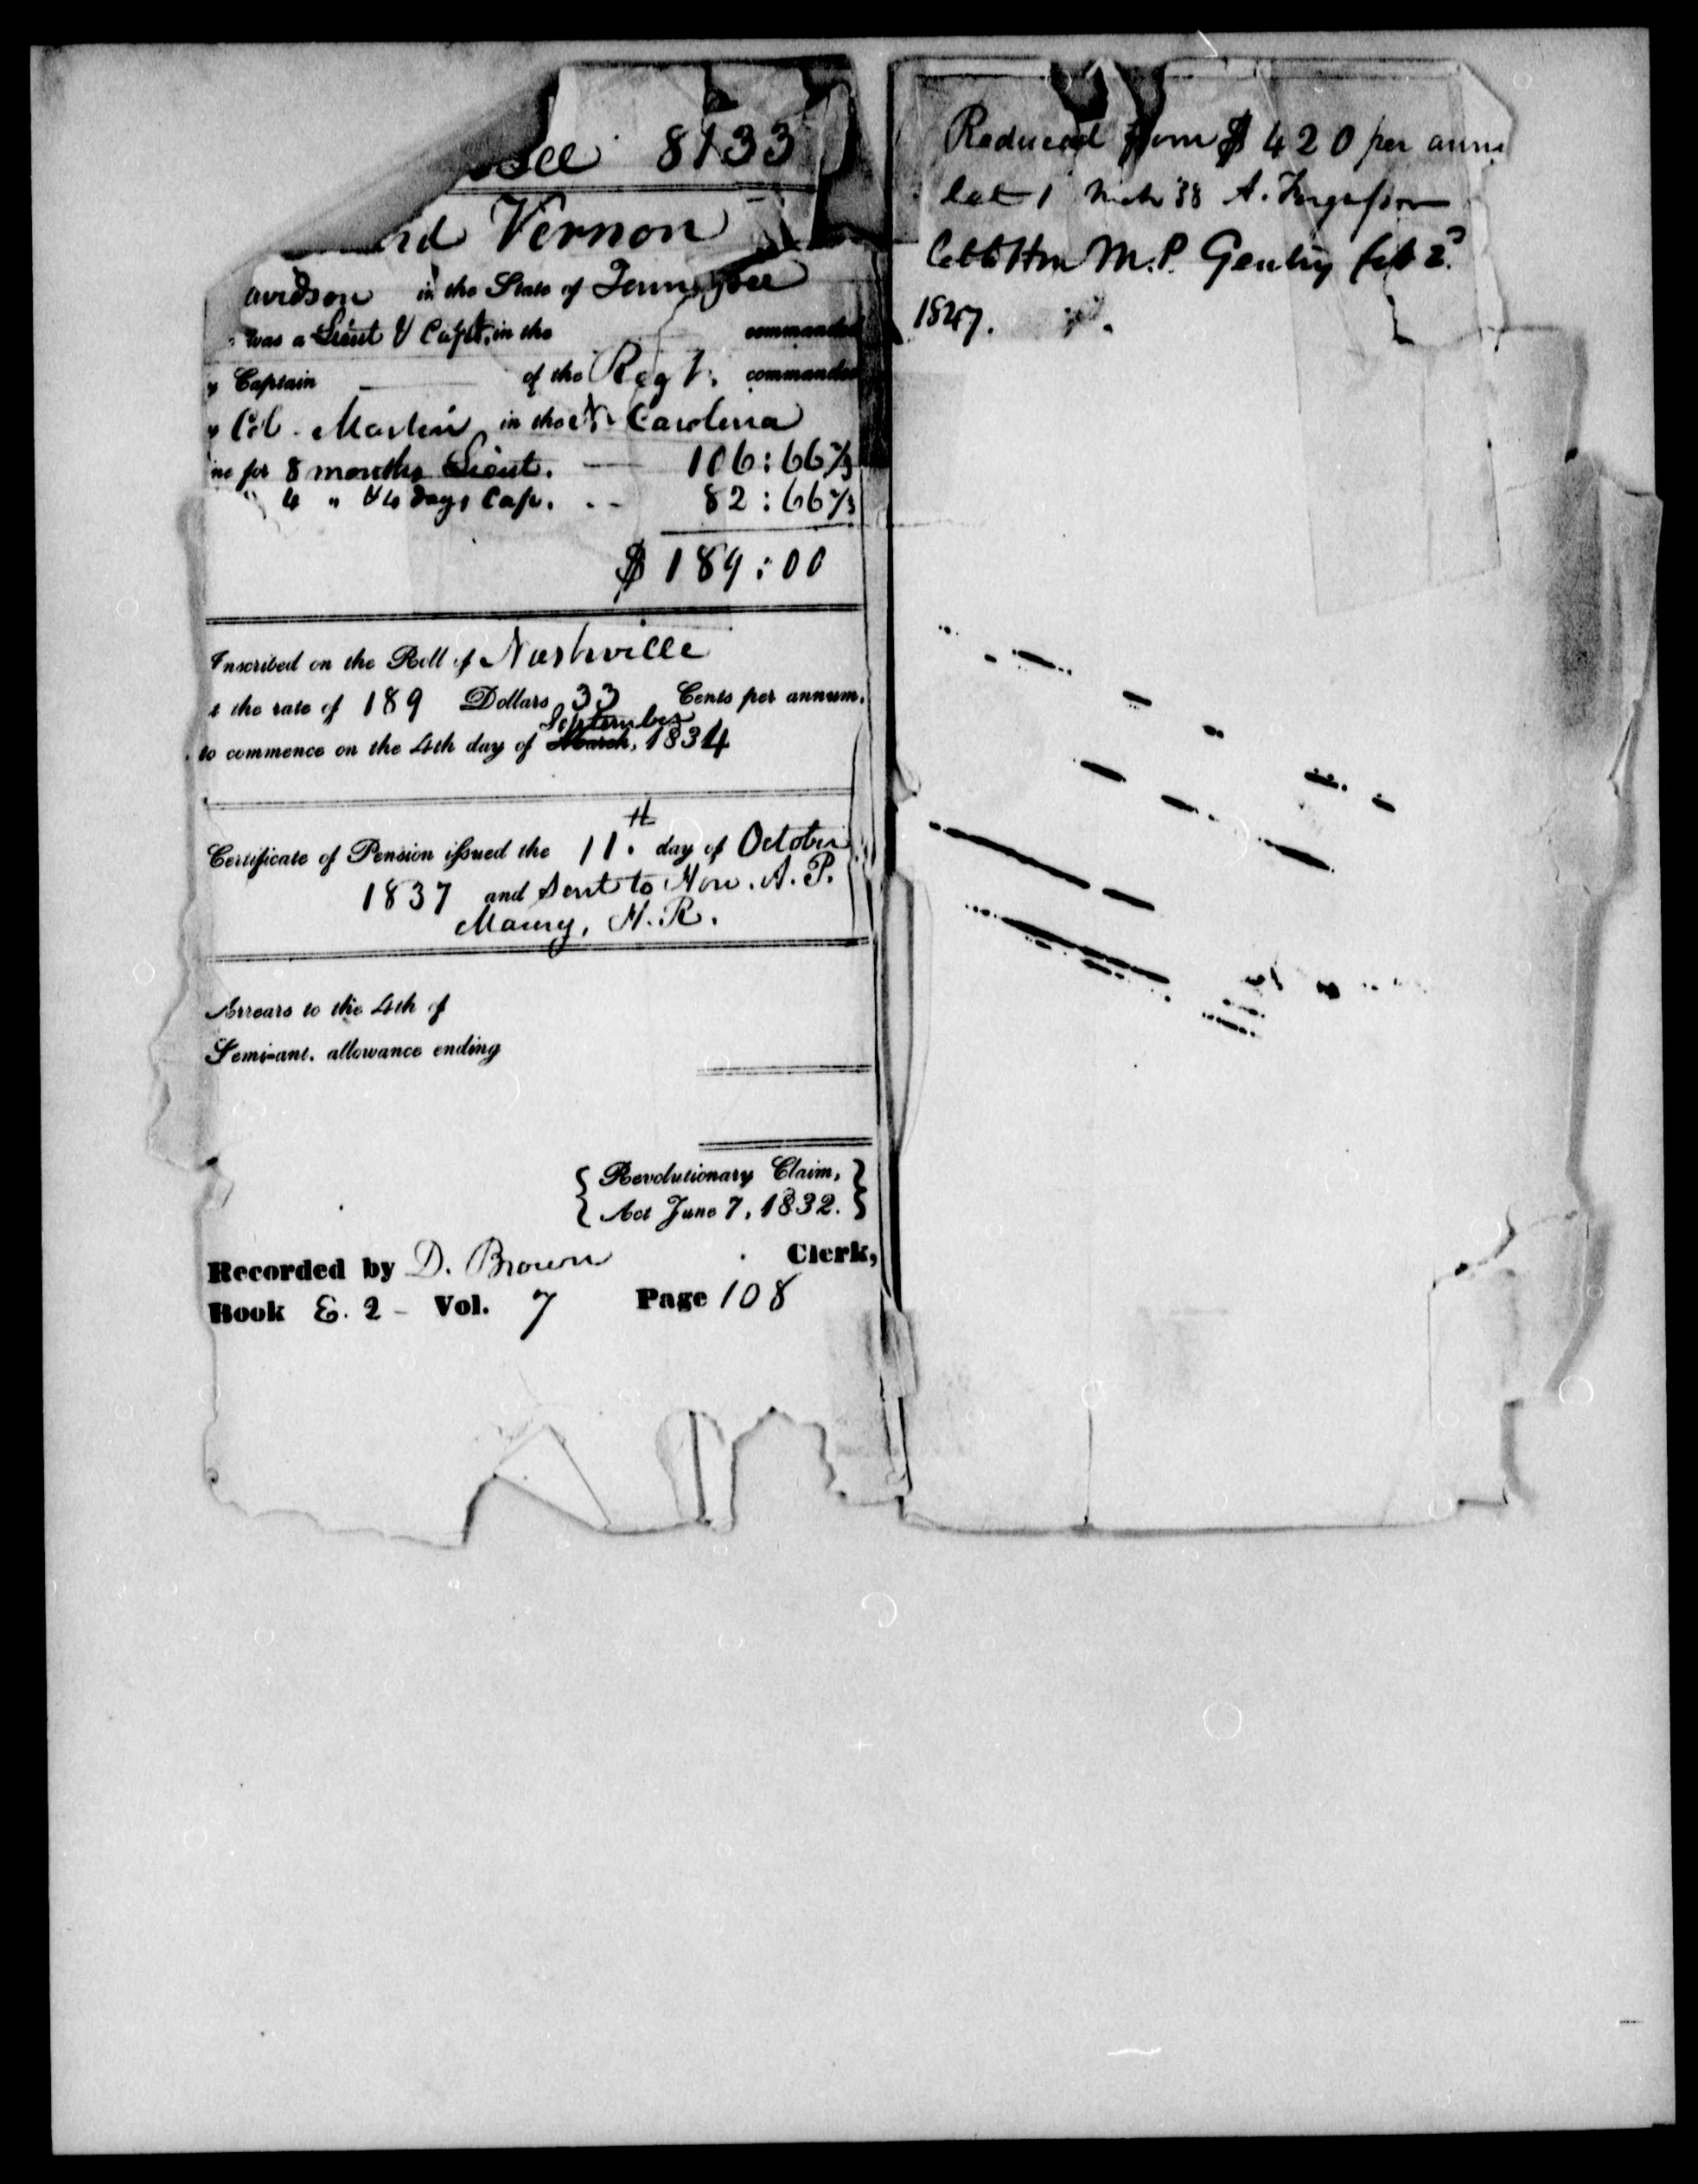(left top corner torn off)

...ssee 8133
...rd Vernon
...avidson in the State of Tennessee was a Lieut. & Captain, in the ____ commanded by Captain ______ of the Regt., commanded by Col. Martin in North Carolina line for 8 months Lieut. ___ 106 : 66 2/3
4 months & 4 days Cap. ____ 82 : 66 2/3_____$189 : 00

Inscribed on the Roll of Nashville at the rate of 189 Dollars 33 Cents per annum, to commence on the 4th day of September, 1834

Certificate of Pension issued the 11th day of October 1837 and sent to Hon A. P. Mauny, H. R.

Arrears to the 4th of __
Semi-anl. allowance ending ___

{Revolutionary Claim, Act June 7, 1832}

Recorded by D. Brown, Clerk,
Book E. 2 - Vol. 7 Page 108

Reduced from $420 per annum let 1 Mch '38 A. Ferguson
Cert. Hon. M. P. Gentry feb 2nd 1847.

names: A P Maury, David Vernon, M P Gentry, D Brown, Martin, A Trippon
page: 2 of 105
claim: survivor's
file: S. 1883, Richard Vernon, N.C.